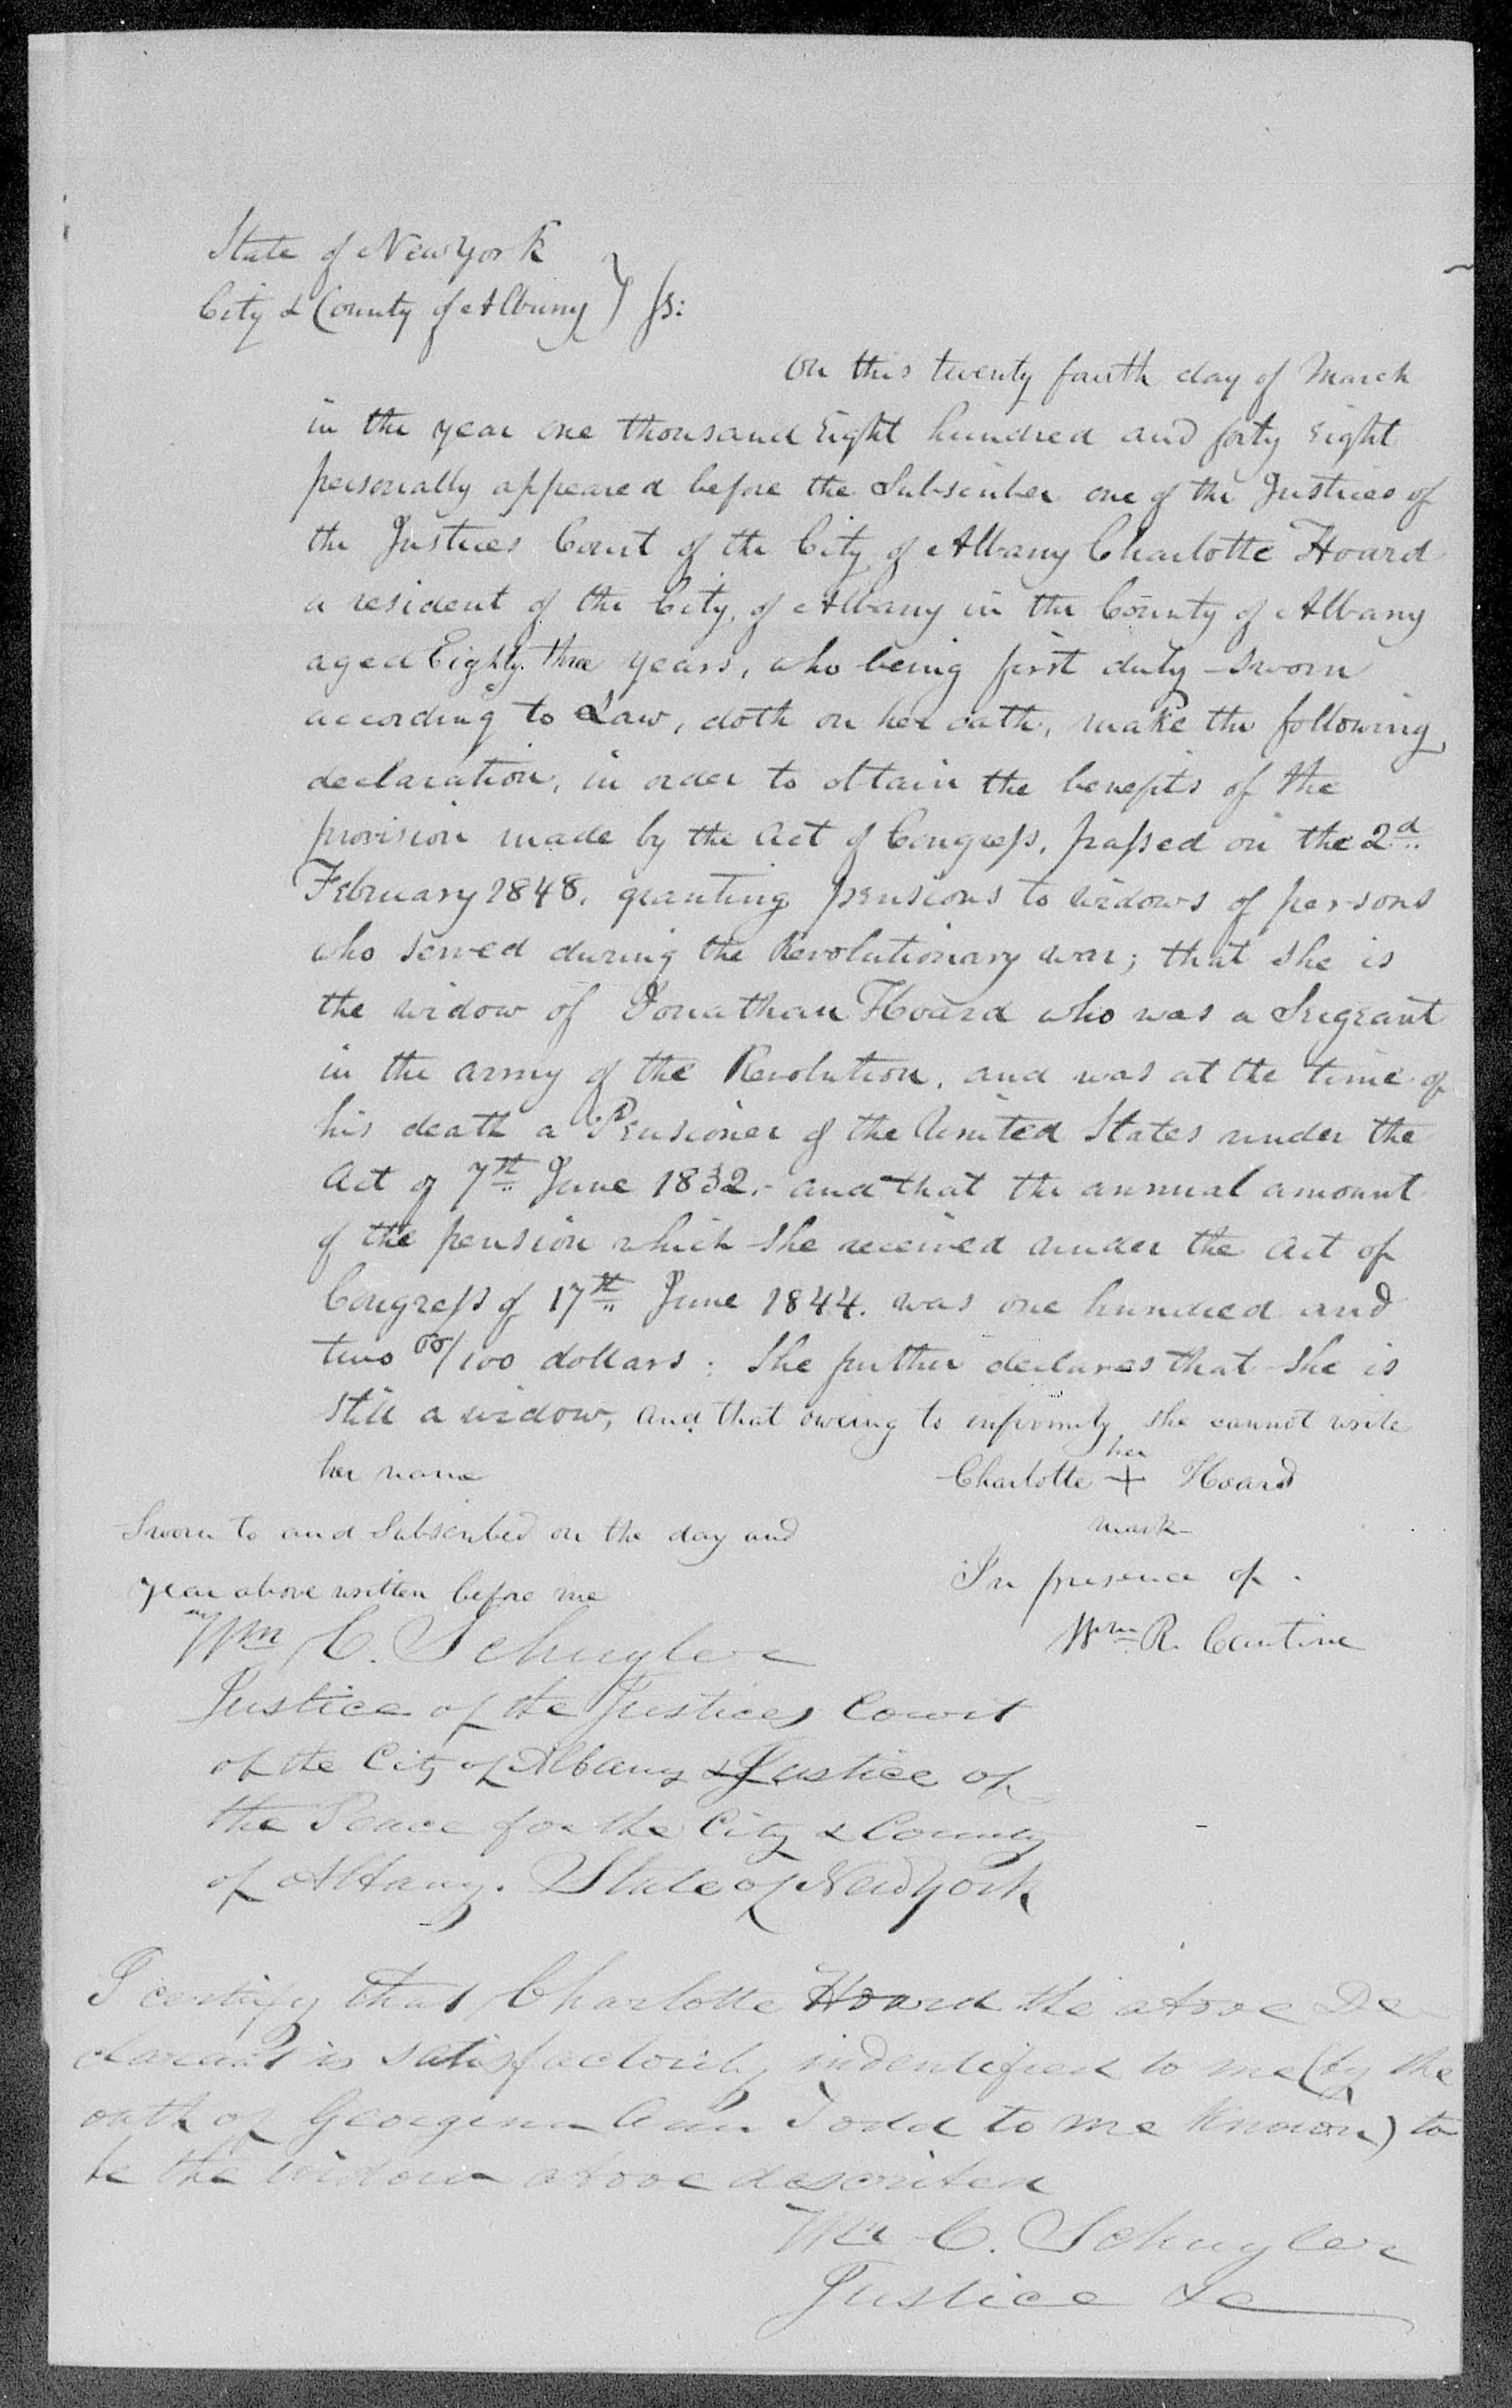State of New York 
City & County of Albany} ss:

 On this twenty fourth day of March in the year one thousand Eight hundred and forty Eight personally appeared before the Subscriber one of the Justices of the Justices Court of the City of Albany Charlotte Hoard a resident of the City of Albany in the County of Albany aged Eighty three years, who being first duly sworn according to Law, doth on her oath, make the following declaration, in order to obtain the benefits of the provision made by the Act of Congress passed on the 2d February 1848 granting pensions to widows of persons who served during the Revolutionary war; that she is the widow of Jonathan Hoard who was a Sergeant in the army of the Revolution, and was at the time of his death a Pensioner of the United States under the Act of 7th June 1832, and that the annual amount of the pension which she received under the act of Congress of 17th June 1844 was one hundred and two 88/100 dollars: she further declares that she is still a widow, and that owing to infirmity she cannot write her name 
Charlotte Hoard her + mark
In presence of Wm R. Cantine

Sworn to and subscribed on the day and mark as above written before me 
Wm C. Schuyler (signature)
Justice of the Justices Court of the City of Albany &  Justice of the Peace for the City & County of Albany, State of New York 

I certify that Charlotte Hoard the above declarant is satisfactorily identified to me (by the oath of Georgina Ann Todd to me known) to be the widow above described 
M C. Schuyler Justice etc. (signature)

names: Wm C Schugler, Jonathan Hoard, Charlotte Hoard, Wm R Cantine, Charlotte Hoard, Georgesen, Wm C Schugler, Sodd, Charlotte Hoard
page: 47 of 52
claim: widow's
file: W 19755, Jonathan Hoard, Mass.